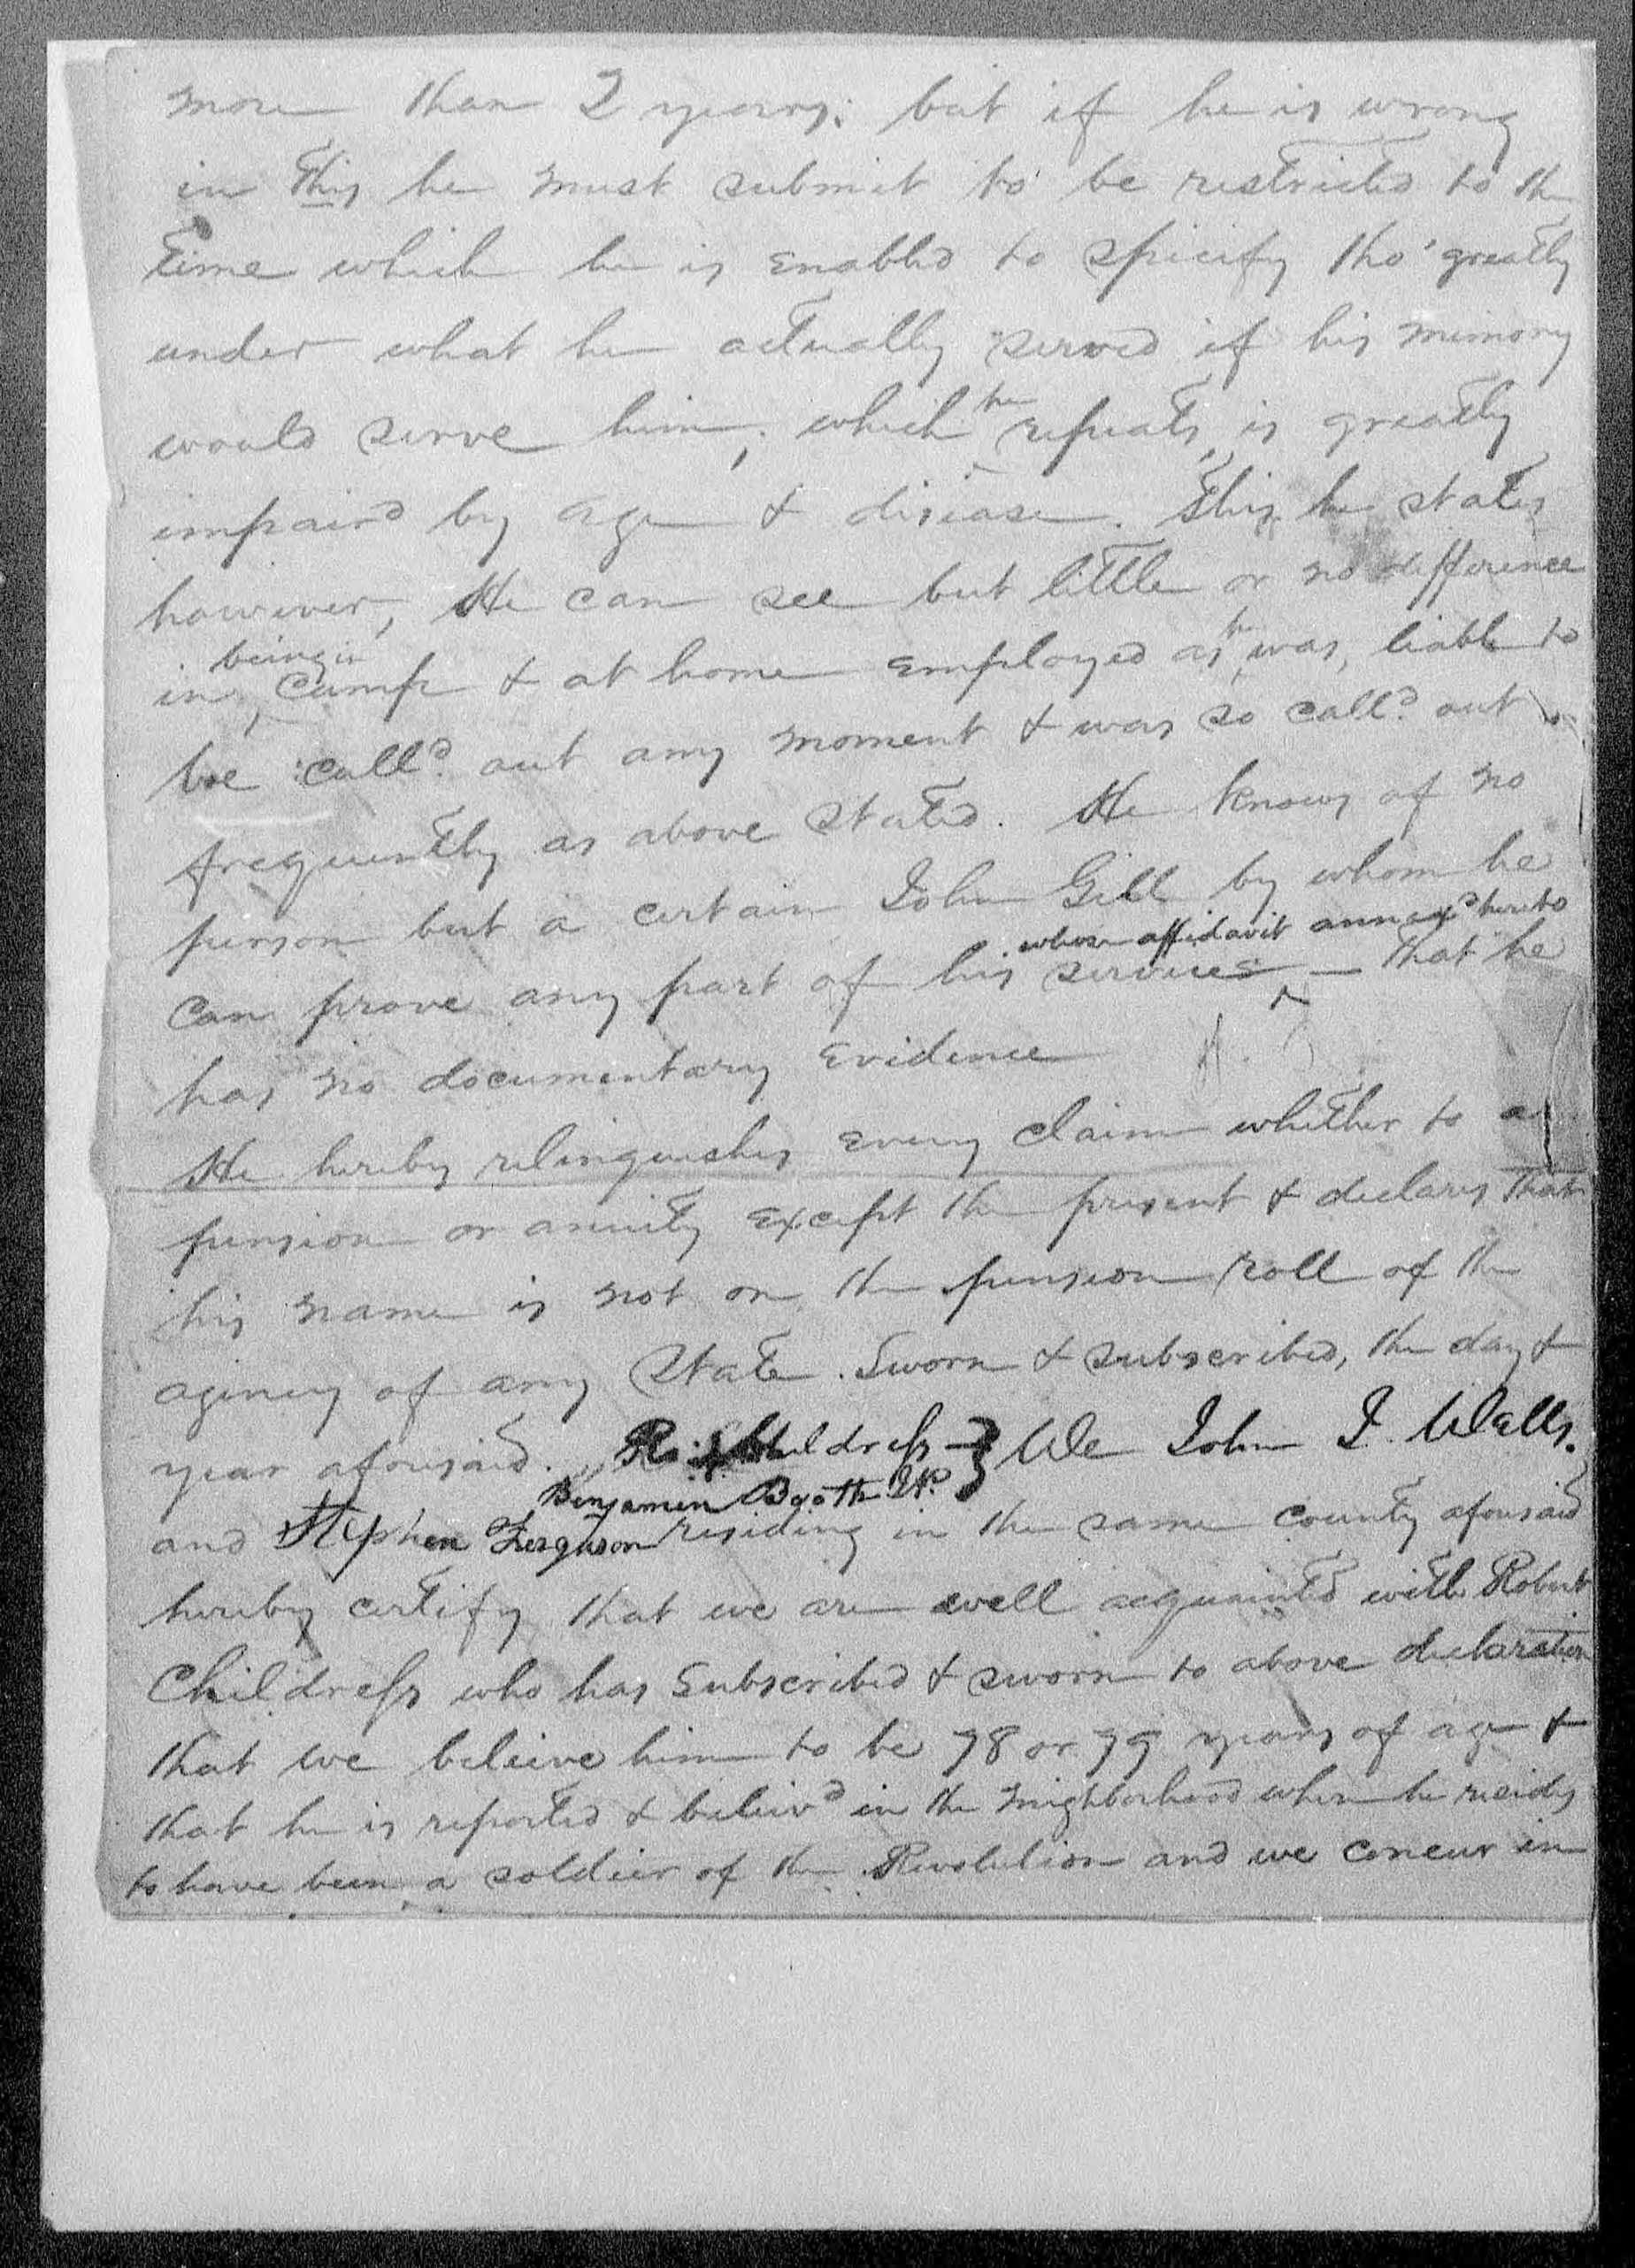more than [illegible]: but if he is wrong in this he must submit to be restricted to the time which he is enabled to specify the greatly under what he actually served if his memory would serve him,
which he repeats is greatly impaired by age & disease. This he states however, he can see but little or no difference in [illegible] & at home employed as he was liable to be called out any moment & was so called out frequently as above stated. He knows of no person but a certain John Gill by whom he can prove any part of his service whose affidavit annexed hereto[inserted] that he has no documentary evidence of. He hereby relinquishes every claim whether to a pension or annuity except the present & declares that his name is not on the pension roll of the agency of any State. Sworn & subscribed the day & year aforesaid Redress-We John J. Wells and Stephen Leighton residing in the same County aforesaid hereby certify that we are well acquainted with Robert
Childress who has subscribed & sworn to above declaration that we believe him to be 78 or 79 years of age & that he is [illegible] & believed in the neighborhood where he resides to have been a soldier of the Revolution and we concur in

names: Benjamin Booth, John J Wells, Robert Childress, John Gill, Stephen Ferguson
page: 5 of 25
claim: rejected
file: R. 1929, Robert Childress, Va